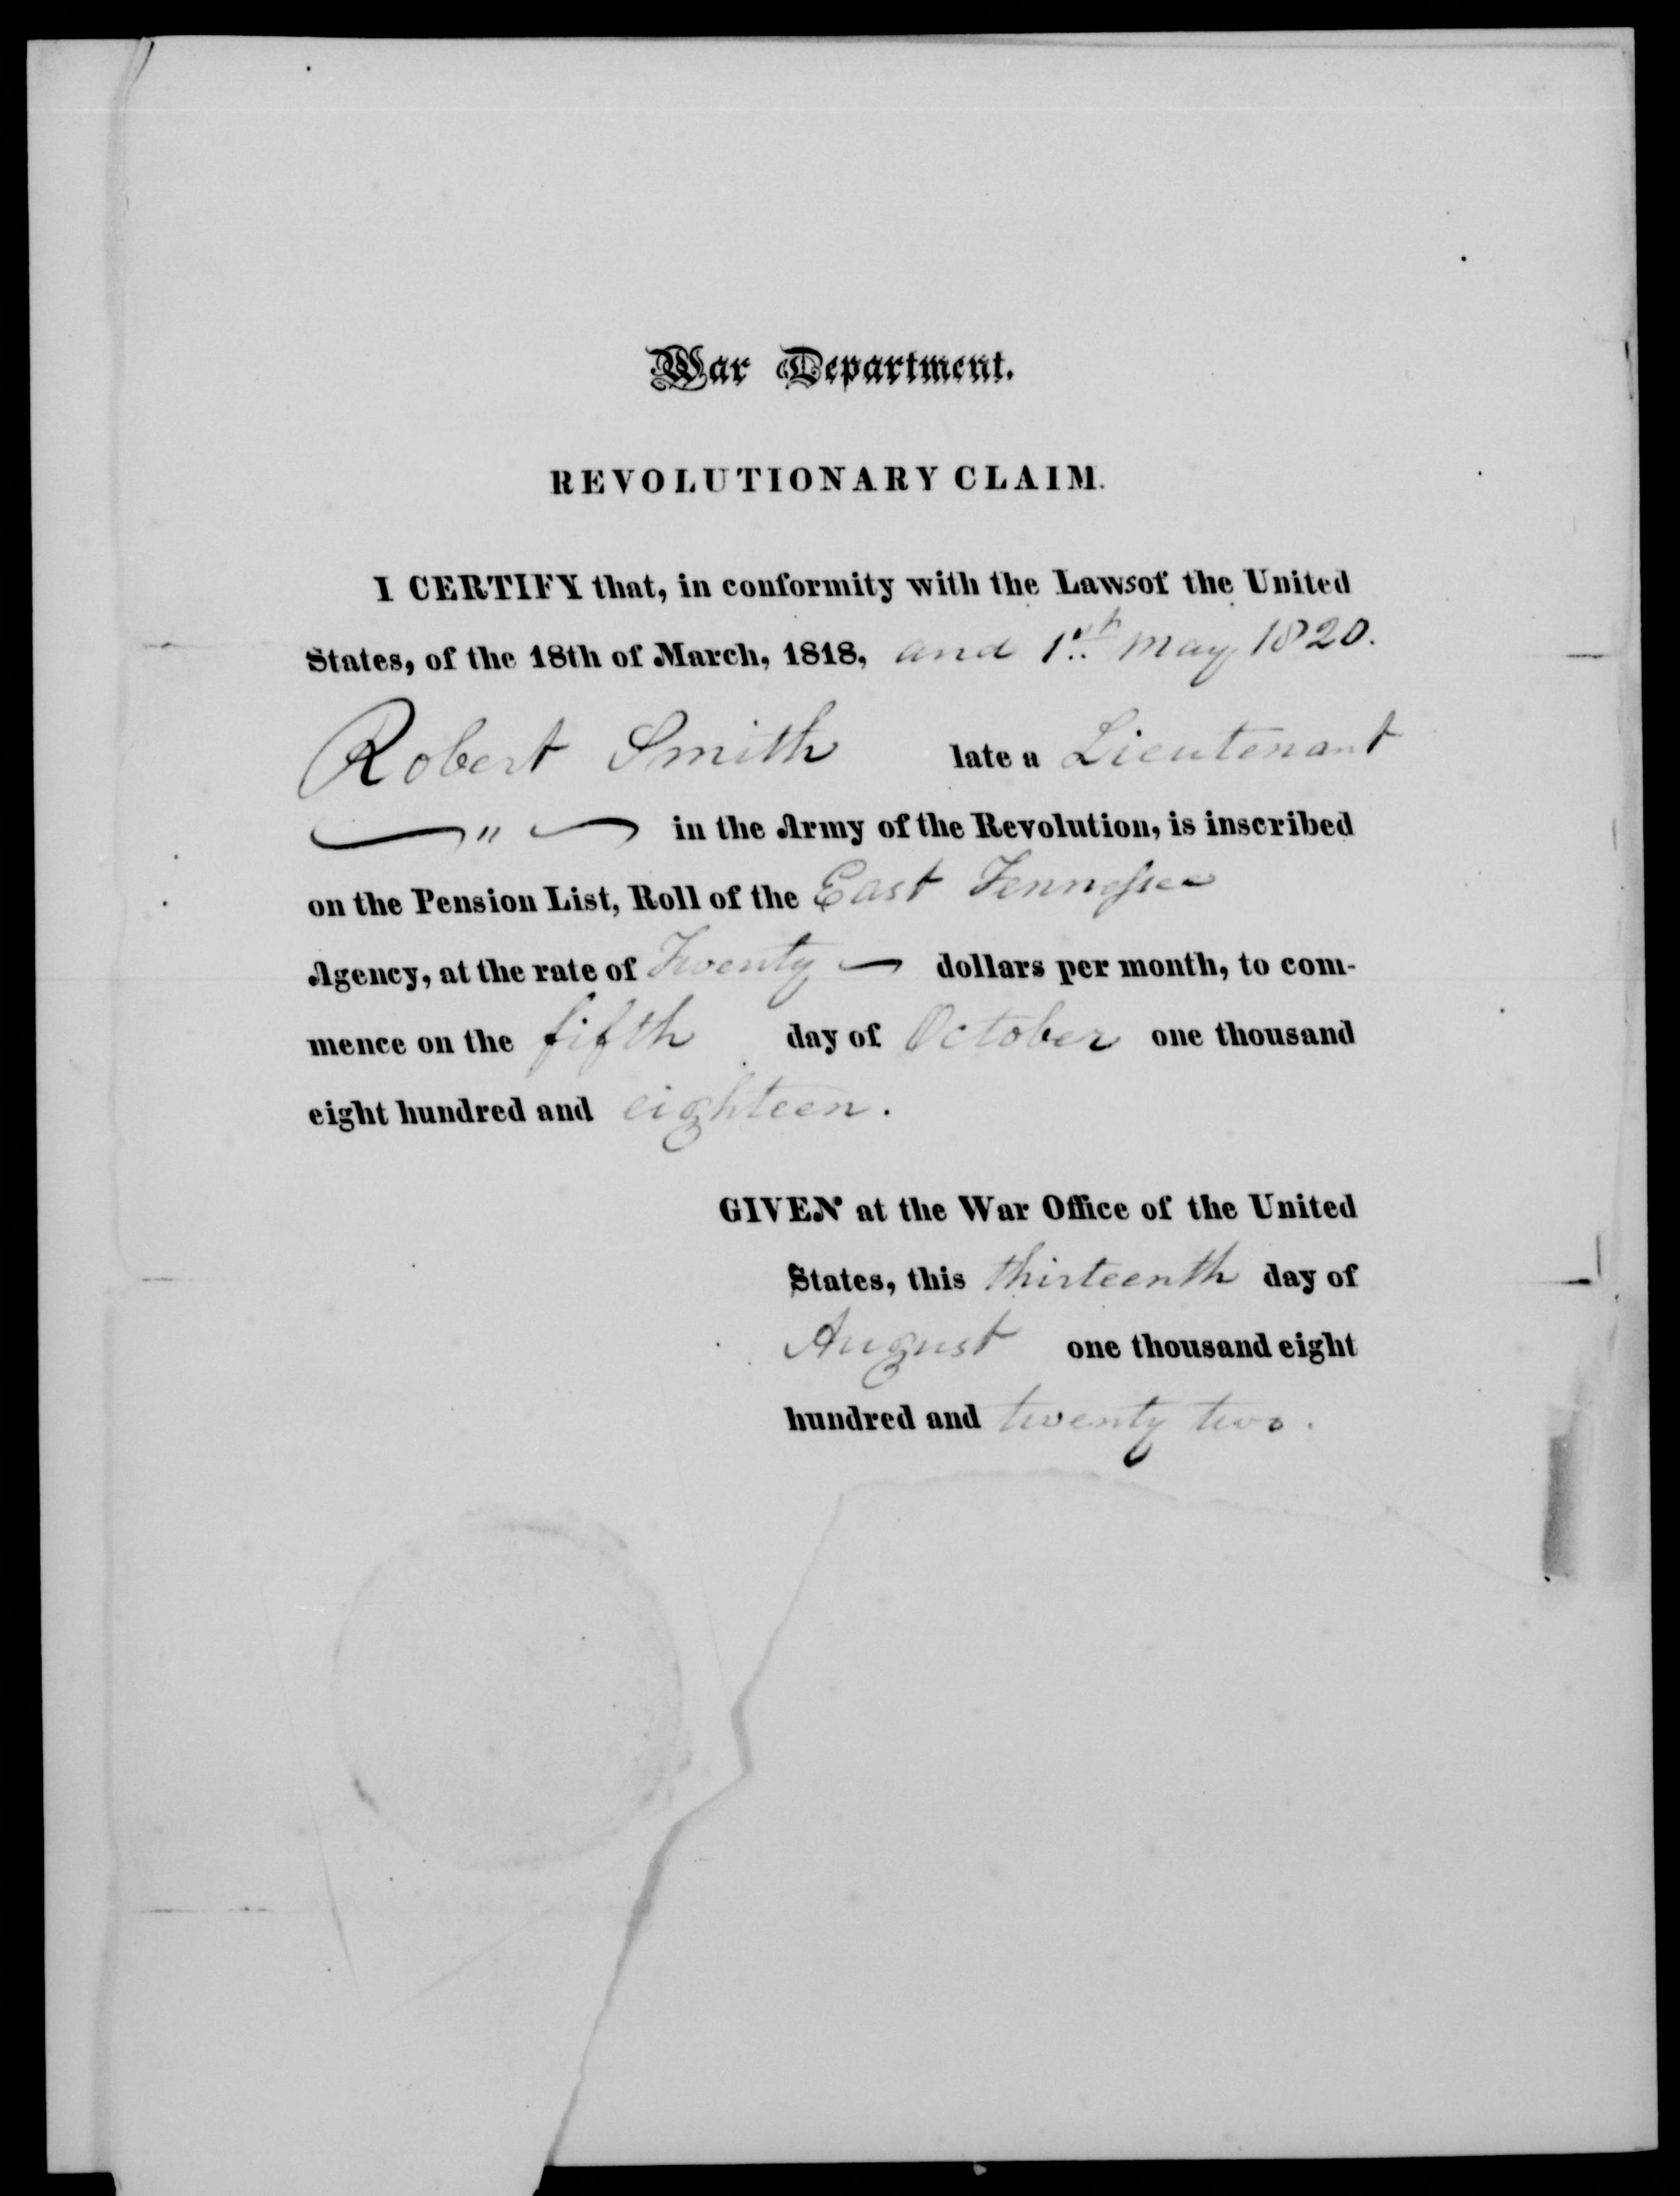War Department.

REVOLUTIONARY CLAIM.

I CERTIFY that, in conformity with the Laws of the United States, of the 18th of March, 1818, and 1st May 1820. Robert Smith late a Lieutenant in the Army of the Revolution, is inscribed on the Pension List, Roll of the East Tennefsee Agency, at the rate of Twenty dollars per month, to commence on the fifth day of October one thousand eight hundred and eighteen.
GIVEN at the War Office of the United States, this thirteenth day of August one thousand eight hundred and twenty two.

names: Robert Smith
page: 77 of 79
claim: widow's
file: W. 1504, for Robert Smith, North Carolina